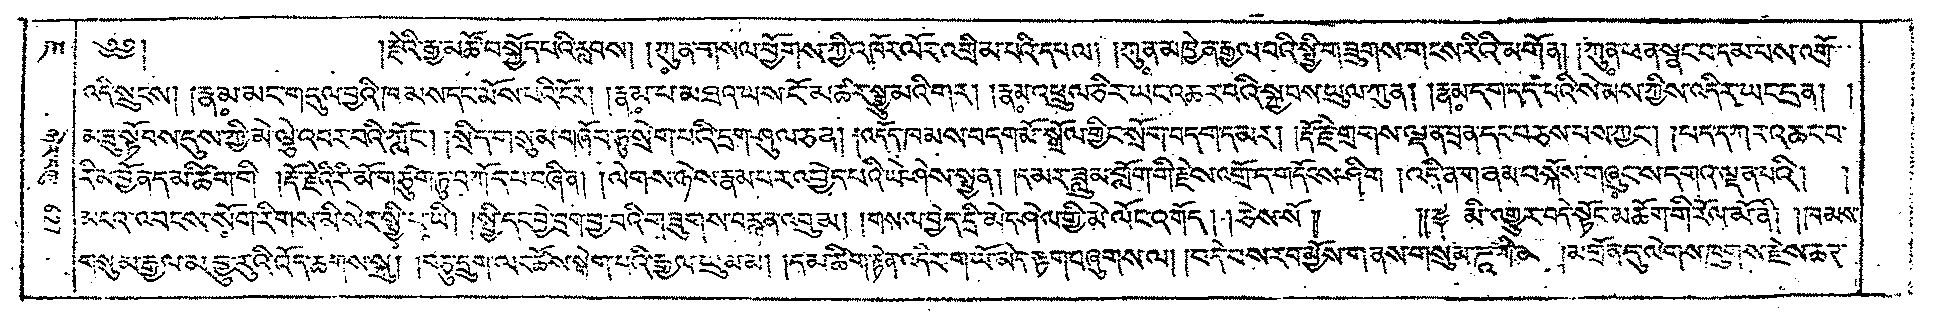༄༅། །རྗེའི་རྒྱ་མཚོ་བསྐྱོད་པའི་རླབས། །ཀུན྾་གསལ་ཕྱོགས་ཀྱི་འཁོར་ལོར་འགྲིམ་པའི་དཔལ། །ཀུན྾་མཁྱེན་རྒྱལ་བའི་སྤྱི་གཟུགས་གངས་རིའི་མགོན། །ཀུན྾་ཕན་སྣང་བ་དམ་པས་འགྲོ་
འདི་སྲུངས། །རྣམ྾་མང་གདུལ་བྱའི་ཁམས་དང་མོས་པའི་ངོར། །རྣམ྾་པ་མཐའ་ཡས་ངོ་མཚར་སྒྱུ་མའི་གར། །རྣམ྾་འཕྲུལ་ཅིར་ཡང་འཆར་བའི་སྐྱབས་ཡུལ་ཀུན། །རྣམ྾་དག་དད་པའི་སེམས་ཀྱིས་འདིར་ཡང་དྲན། །
མཐུ་སྟོབས་དུས་ཀྱི་མེ་ལྕེ་འབར་བའི་ཀློང་། །སྲིད་གསུམ་གཞོབ་ཏུ་སྲེག་པའི་དྲག་ཤུལ་ཅན། །འདོད་ཁམས་བདག་མོ་སྒྲོལ་གྱིང་སྲོག་བདག་དམར། །རྡོ་རྗེ་གྲགས་ལྡན་བྲན་དང་བཅས་པས་ཀྱང་། །པད་དཀར་འཆང་བ་
རིམ་བྱོན་དམ་ཚིག་གི །རྡོ་རྗེའི་རི་མོ་གཙུག་ཏུ་བཀོད་པ་བཞིན། །ལེགས་ཉེས་རྣམ་པར་འབྱེད་པའི་ཡེ་ཤེས་སྤྱན། །དམར་ཟླུམ་གློག་གི་རྗེས་འགྲོ་ད་གདོངས་ཤིག །འདི་ན་གནམ་བསྐོས་གཞུང྾་ས་དགའ་ལྡན་པའི། །
མངའ་འབངས་སོག྾་རིགས་མི་སེར་སྤྱི྾་པ྾་ཡི། །སྤྱི་དང་བྱེ་བྲག་བྱ་བའི་གཟུགས་བརྙན་འབུམ། །གསལ་བྱེད་དྲི་མེད་ཤེལ་གྱི་མེ་ལོང་འགོད། །ཅེས་སོ།། །། ༈ མི་འགྱུར་བདེ་སྟོང་མཆོག་གི་རོལ་མོ་ནི། །ཁམས་
གསུམ་རྒྱལ་མ་བྱུ་རུའི་འོད་ཆགས་སྐུ། །བཅུ་དྲུག་ལང་ཚོས་སྒེག་པའི་རྒྱལ་ཡུམ་མ། །དམ་ཚིག་རྟེན་འདིར་གཡོ་མེད་རྟག་བཞུགས་ལ། །བདེ་བས་རབ་མྱོས་གནས་གསུམ་ཌཱ་ཀི་མ། །མགྲོན་དུ་ལེགས་ཁུགས་རྗེས་ཆགས་